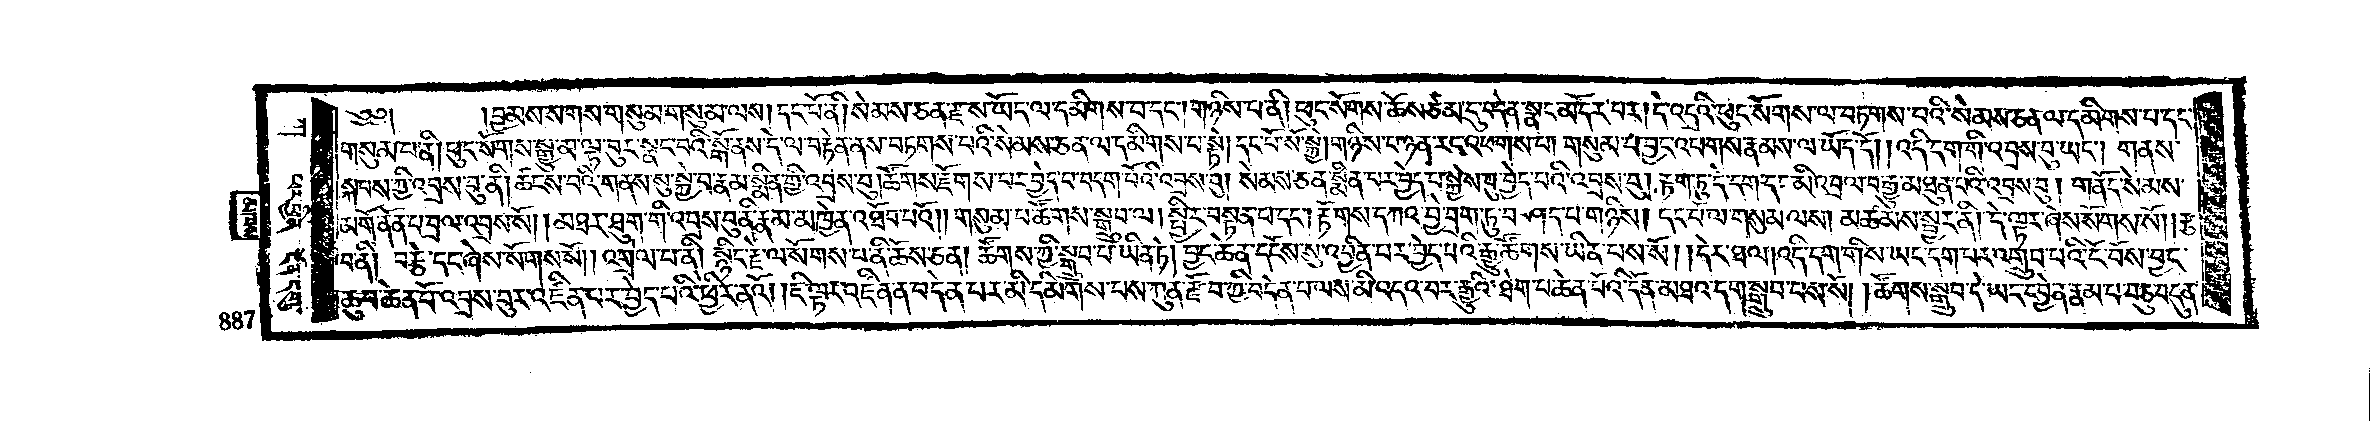༄༅། །བྱམས་སོགས་གསུམ་གསུམ་ལས། དང་པོ་ནི། སེམས་ཅན་རྫས་ཡོད་ལ་དམིགས་པ་དང་། གཉིས་པ་ནི། ཕུང་སོགས་ཆོས་ཙམ་དུ་བདེན་སྣང་མདོར་བར། དེ་འདྲའི་ཕུང་སོགས་ལ་བཏགས་པའི་སེམས་ཅན་ལ་དམིགས་པ་དང་
གསུམ་པ་ནི། ཕུང་སོགས་སྒྱུ་མ་ལྟ་བུར་སྣང་བའི་སྒོ་ནས་དེ་ལ་བརྟེན་ནས་བཏགས་པའི་སེམས་ཅན་ལ་དམིགས་པ་སྟེ། དང་པོ་སོ་སྐྱེ། གཉིས་པ་ཉན་རང་འཕགས་པ། གསུམ་པ་བྱང་འཕགས་རྣམས་ལ་ཡོད་དོ། །འདི་དག་གི་འབྲས་བུ་ཡང་། གནས་
སྐབས་ཀྱི་འབྲས་བུ་ནི། ཚངས་པའི་གནས་སུ་སྐྱེ་བ་རྣམ་སྨིན་གྱི་འབྲས་བུ། ཚོགས་རྫོགས་པར་བྱེད་པ་བདག་པོའི་འབྲས་བུ། སེམས་ཅན་སྨིན་པར་བྱེད་པ་སྐྱེས་བུ་བྱེད་པའི་འབྲས་བུ། རྟག་ཏུ་དེ་དག་དང་མི་འབྲལ་བ་རྒྱུ་མཐུན་པའི་འབྲས་བུ། གནོད་སེམས་
མགོ་ནོན་པ་བྲལ་འབྲས་སོ། །མཐར་ཐུག་གི་འབྲས་བུ་ནི་རྣམ་མཁྱེན་འཐོབ་པའོ། །གསུམ་པ་ཚོགས་སྒྲུབ་ལ། སྤྱིར་བསྟན་པ་དང་། རྟོགས་དཀའ་བྱེ་བྲག་ཏུ་བཤད་པ་གཉིས། དང་པོ་ལ་གསུམ་ལས། མཚམས་སྦྱར་ནི། དེ་ལྟར་ཞེས་སོགས་སོ། །རྩ་
བ་ནི། བརྩེ་དང་ཞེས་སོགས་སོ། །འགྲེལ་བ་ནི། སྙིང་རྗེ་ལ་སོགས་པ་ནི་ཆོས་ཅན། ཚོགས་ཀྱི་སྒྲུབ་པ་ཡིན་ཏེ། བྱང་ཆེན་དངོས་སུ་འབྱིན་པར་བྱེད་པའི་རྒྱུ་ཚོགས་ཡིན་པས་སོ། །དེར་ཐལ། འདི་དག་གིས་ཡང་དག་པར་འགྲུབ་པའི་ངོ་བོས་བྱང་
ཆུབ་ཆེན་པོ་འབྲས་བུར་འཛིན་པར་བྱེད་པའི་ཕྱིར་ནའོ། །ཇི་ལྟར་འཛིན་ན་བདེན་པར་མི་དམིགས་པས་ཀུན་རྫོབ་ཀྱི་བདེན་པ་ལས་མི་འདའ་བར་རྒྱུའི་ཐེག་པ་ཆེན་པོའི་དོན་མཐའ་དག་སྒྲུབ་པས་སོ། །ཚོགས་སྒྲུབ་དེ་ཡང་དབྱེ་ན་རྣམ་པ་བཅུ་བདུན་